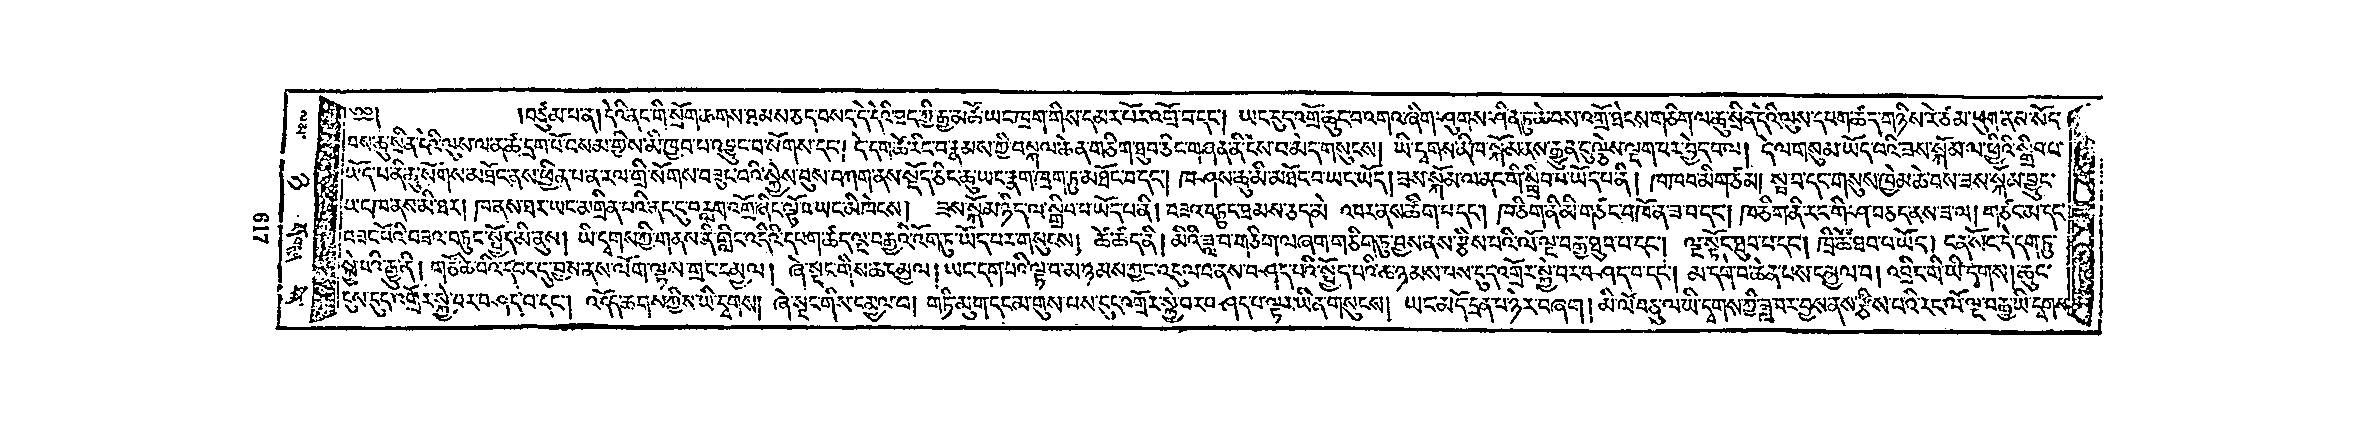༄༅། །བཙུམ་པ་ན། དེའི་ནང་གི་སྲོག་ཆགས་ཐམས་ཅད་བསད་དེ་དེའི་ཐད་ཀྱི་རྒྱ་མཚོ་ཡང་ཁྲག་གིས་དམར་པོར་འགྲོ་བ་དང་། ཡང་དུད་འགྲོ་ཆུང་བ་འགའ་ཞིག་ཤུགས་ཤིན་ཏུ་ཆེ་བས་འགྲོ་ཐེངས་གཅིག་ལ་ཆུ་སྲིན་དེའི་ལུས་དཔག་ཚད་གཉིས་རེ་ཙམ་ཕུག་ནས་སོང་
བས་ཆུ་སྲིན་དེའི་ལུས་ལ་ན་ཚ་དྲག་པོ་བསམ་གྱིས་མི་ཁྱབ་པ་འབྱུང་བ་སོགས་དང་། དེ་དག་ཚེ་རིང་བ་རྣམས་ཀྱི་བསྐལ་ཆེན་གཅིག་ཐུབ་ཅིང་གཞན་ནི་ངེས་པ་མེད་གསུངས། ཡི་དྭགས་ནི་ཁ་སྐོམ་ནས་རྒྱུན་དུ་ལྕེས་ལྡག་པར་བྱེད་པ་ལ། དེ་ལ་གསུམ་ཡོད་པའི་ཟས་སྐོམ་ལ་ཕྱིའི་སྒྲིབ་པ་
ཡོད་པ་ནི་ཆུ་སོགས་མཐོང་ནས་ཕྱིན་པ་ན་རལ་གྲི་སོགས་བཟུང་བའི་སྐྱེས་བུས་བཀག་ནས་སྡོད་ཅིང་ཆུ་ཡང་རྣག་ཁྲག་ཏུ་མཐོང་བ་དང་། ཁ་ཤས་ཆུ་མི་མཐོང་བ་ཡང་ཡོད། ཟས་སྐོམ་ལ་ནང་གི་སྒྲིབ་པ་ཡོད་པ་ནི། ཁ་ཁབ་མིག་ཙམ། སྦ་བ་དང་གསུས་ཁྱེམ་ཆེ་བས་ཟས་སྐོམ་བྱུང་
ཡང་ཁ་ནས་མི་ཐར། ཁ་ནས་ཐར་ཡང་མགྲིན་པའི་ནང་དུ་བརླག་འགྲོ་ཞིང་ལྟོ་བ་ཡང་མི་ཁེངས། ཟས་སྐོམ་ཉིད་ལ་སྒྲིབ་པ་ཡོད་པ་ནི། བཟའ་བཏུང་ཐམས་ཅད་མེ་འབར་ནས་ཚིག་པ་དང་། ཁ་ཅིག་ནི་མི་གཙང་བ་ཁོ་ན་ཟ་བ་དང་། ཁ་ཅིག་ནི་རང་གི་ཤ་བཅད་ནས་ཟ་ལ། གཙང་མ་དང་
བཟང་པོའི་བཟའ་བཏུང་སྤྱོད་མི་ནུས། ཡི་དྭགས་ཀྱི་གནས་ནི་གླིང་འདིའི་དཔག་ཚད་ལྔ་བརྒྱའི་འོག་ཏུ་ཡོད་པར་གསུངས། ཚེ་ཚད་ནི། མིའི་ཟླ་བ་གཅིག་ལ་ཞག་གཅིག་ཏུ་བྱས་ནས་རྩིས་པའི་ལོ་ལྔ་བརྒྱ་ཐུབ་པ་དང་། ལྔ་སྟོང་ཐུབ་པ་དང་། ཁྲི་ཚེ་ཐབ་པ་ཡོད། ངན་སོང་དེ་དག་ཏུ་
སྐྱེ་བའི་རྒྱུ་ནི། གཙོ་ཆེ་བའི་དབང་དུ་བྱས་ནས་ལོག་ལྟས་གྲང་དམྱལ། ཞེ་སྡང་གིས་ཚ་དམྱལ། ཡང་དག་པའི་ལྟ་བ་མ་ཉམས་ཀྱང་འདུལ་བ་ནས་བཤད་པའི་སྤྱོད་པའི་ཆ་ཉམས་པས་དུད་འགྲོར་སྐྱེ་བར་བཤད་པ་དང་། མ་དགེ་བ་ཆེན་པས་དམྱལ་བ། འབྲིང་གི་ཡི་དྭགས། ཆུང་
དུས་དུད་འགྲོར་སྐྱེ་བར་བཤད་པ་དང་། འདོད་ཆགས་ཀྱིས་ཡི་དྭགས། ཞེ་སྡང་གིས་དམྱལ་བ། གཏི་མུག་དང་མ་གུས་པས་དུད་འགྲོར་སྐྱེ་བར་བཤད་པ་ལྟར་ཡིན་གསུངས། ཡང་མདོ་དྲན་པ་ཉེར་བཞག །མི་ལོ་བཅུ་ལ་ཡི་དྭགས་ཀྱི་ཟླ་བར་བྱས་ནས་རྩིས་པའི་རང་ལོ་ལྔ་བརྒྱ་ཡི་དྭགས་